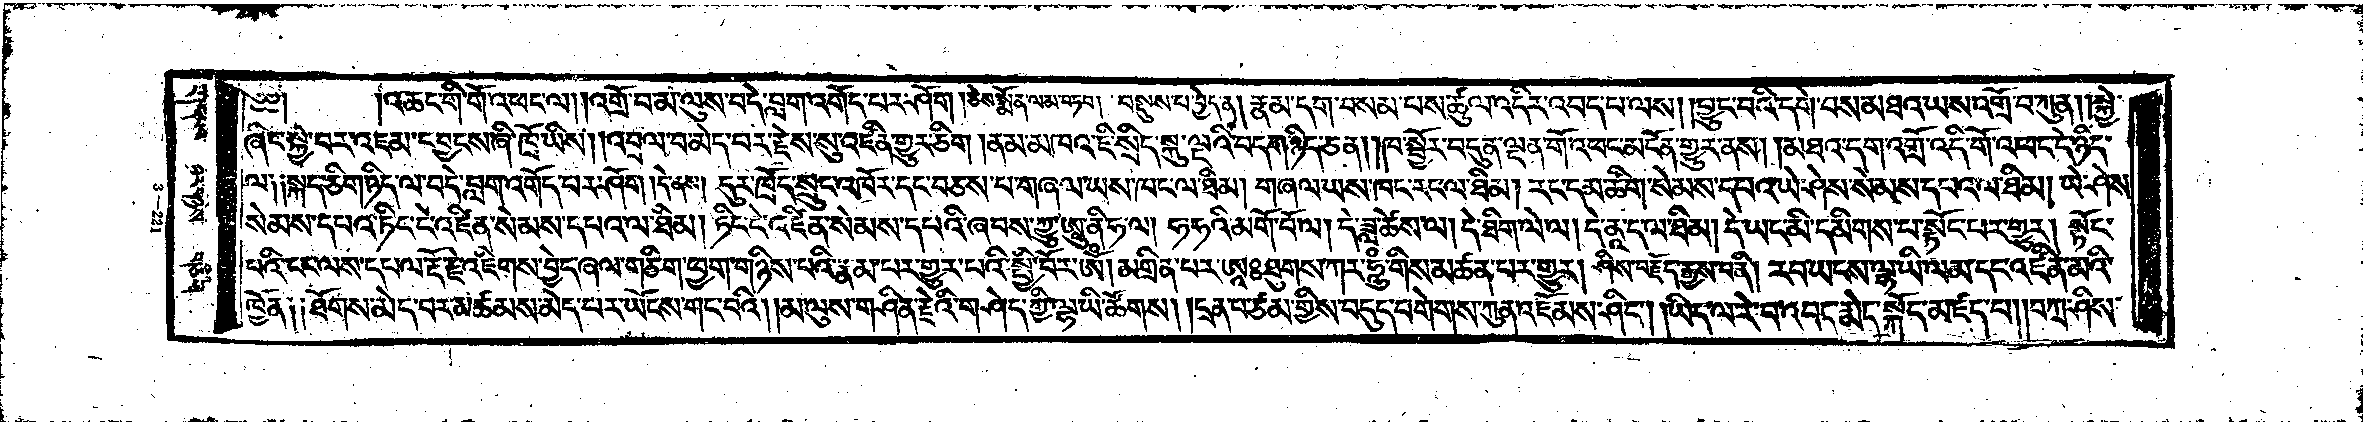༄༅། །འཆང་གི་གོ་འཕང་ལ། །འགྲོ་བ་མ་ལུས་བདེ་བླག་འགོད་པར་ཤོག་།ཅེས་སྨོན་ལམ་བཏབ། བསྡུས་པ་བྱེད་ན།  རྣམ་དག་བསམ་པས་ཚུལ་འདིར་འབད་པ་ལས། །བྱུང་བའི་དགེ་བས་མཐའ་ཡས་འགྲོ་བ་ཀུན། །སྐྱེ་
ཞིང་སྐྱེ་བར་འཇམ་དབྱངས་ཞི་ཁྲོ་ཡིས། །འབྲལ་བ་མེད་པར་རྗེས་སུ་འཛིན་གྱུར་ཅིག །ནམ་མཁའ་ཇི་སྲིད་སྐུ་ལྔའི་བདག་ཉིད་ཅན། །ཁ་སྦྱོར་བདུན་ལྡན་གོ་འཕང་མངོན་གྱུར་ནས། །མཐའ་དག་འགྲོ་འདི་གོ་འཕང་དེ་ཉིད་
ལ༑ ༑སྐད་ཅིག་ཉིད་ལ་བདེ་བླག་འགོད་པར་ཤོག་།དེ་ནས།  དུར་ཁྲོད་སྲུང་འཁོར་དང་བཅས་པ་གཞལ་ཡས་ཁང་ལ་ཐིམ། གཞལ་ཡས་ཁང་རང་ལ་ཐིམ། རང་དམ་ཚིག་སེམས་དཔའ་ཡེ་ཤེས་སེམས་དཔའ་ལ་ཐིམ། ཡེ་ཤེས་
སེམས་དཔའ་ཏིང་ངེ་འཛིན་སེམས་དཔའ་ལ་ཐིམ། ཏིང་ངེ་འཛིན་སེམས་དཔའི་ཞབས་ཀྱུ་ཨཱུ་ནི་ཧ་ལ། ཧ་ཧའི་མགོ་བོ་ལ། དེ་ཟླ་ཚེས་ལ། དེ་ཐིག་ལེ་ལ། དེ་ནཱ་ད་ལ་ཐིམ། དེ་ཡང་མི་དམིགས་པ་སྟོང་པར་གྱུར། སྟོང་
པའི་ངང་ལས་དཔལ་རྡོ་རྗེ་འཇིགས་བྱེད་ཞལ་གཅིག་ཕྱག་གཉིས་པའི་རྣམ་པར་གྱུར་པའི་སྤྱི་བོར་ཨོཾ། མགྲིན་པར་ཨཱཿ ཐུགས་ཀར་ཧཱུཾ་གིས་མཚན་པར་གྱུར། ཤིས་བརྗོད་རྒྱས་པ་ནི། རབ་ཡངས་ལྷ་ཡི་ལམ་དང་འཛིན་མའི་
ཁྱོན༑ ༑ཐོགས་མེད་པར་མཚམས་མེད་པར་ཡོངས་གང་བའི། །མ་ལུས་གཤིན་རྗེའི་གཤེད་ཀྱི་ལྷ་ཡི་ཚོགས། །དྲན་པ་ཙམ་གྱིས་བདུད་བགེགས་ཀུན་འཇོམས་ཤིང་། །ཡིད་ལ་རེ་བ་འབད་མེད་སྐོང་མཛད་པ། །བཀྲ་ཤིས་